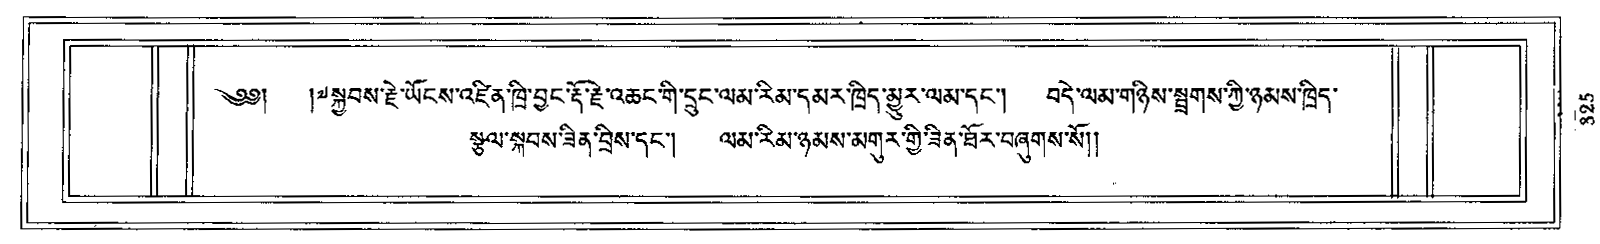༄༅། །༧་སྐྱབས་རྗེ་ཡོངས་འཛིན་ཁྲི་བྱང་རྡོ་རྗེ་འཆང་གི་དྲུང་ལམ་རིམ་དམར་ཁྲིད་མྱུར་ལམ་དང་། བདེ་ལམ་གཉིས་སྦྲགས་ཀྱི་ཉམས་ཁྲིད་
སྩལ་སྐབས་ཟིན་བྲིས་དང་། ལམ་རིམ་ཉམས་མགུར་གྱི་ཟིན་ཐོར་བཞུགས་སོ།།